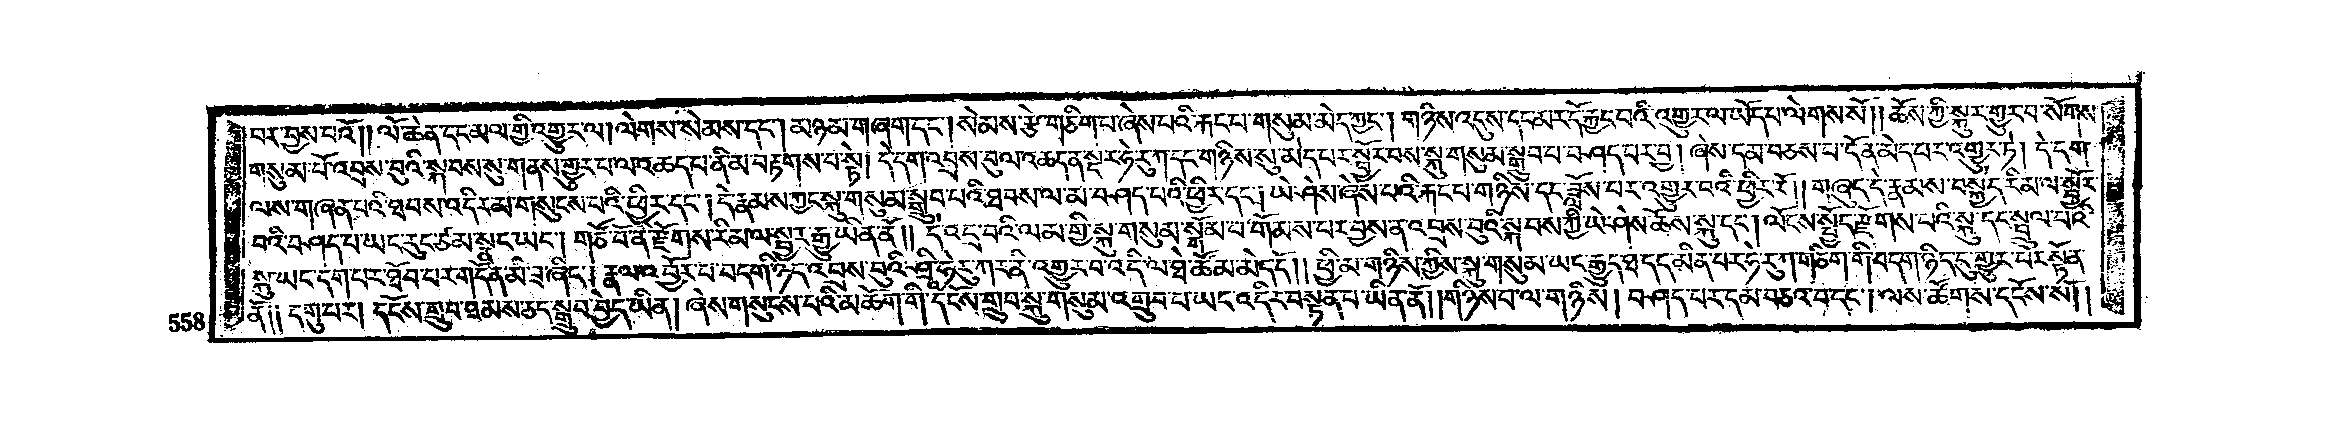བར་བྱས་པའོ། །ལོ་ཆེན་དང་མལ་གྱི་འགྱུར་ལ། ལེགས་སེམས་དང་། མཉམ་གཞག་དང་། སེམས་རྩེ་གཅིག་པ་ཞེས་པའི་རྐང་པ་གསུམ་མེད་ཀྱང་། གཉིས་འདུས་དང་མར་དོ་རྐྱང་བའི་འགྱུར་ལ་ཡོད་པ་ལེགས་སོ། །ཆོས་ཀྱི་སྐུར་གྱུར་བ་སོགས་
གསུམ་པོ་འབྲས་བུའི་སྐབས་སུ་གནས་གྱུར་པ་ལ་འཆད་པ་ནི་མ་བརྟགས་པ་སྟེ། དེ་དག་འབྲས་བུ་ལ་འཆད་ན་སྔར་ཧེ་རུ་ཀ་དང་གཉིས་སུ་མེད་པར་སྦྱོར་བས་སྐུ་གསུམ་སྒྲུབ་པ་བཤད་པར་བྱ། ཞེས་དམ་བཅས་པ་དོན་མེད་པར་འགྱུར་ཏེ། དེ་དག་
ལས་གཞན་པའི་ཐབས་འདིར་མ་གསུངས་པའི་ཕྱིར་དང་། དེ་རྣམས་ཀྱང་སྐུ་གསུམ་སྒྲུབ་པའི་ཐབས་ལ་མ་བཤད་པའི་ཕྱིར་དང་། ཡེ་ཤེ་ཞེས་པའི་རྐང་པ་གཉིས་དང་ཟློས་པར་འགྱུར་བའི་ཕྱིར་རོ། །གཞུང་དེ་རྣམས་བསྐྱེད་རིམ་ལ་སྦྱོར་
བའི་བཤད་པ་ཡང་རུང་ཙམ་སྣང་ཡང་། གཙོ་བོ་ནི་རྫོགས་རིམ་ལ་སྦྱར་རྒྱུ་ཡིན་ནོ། །དེ་འདྲ་བའི་ལམ་གྱི་སྐུ་གསུམ་སྒོམ་པ་གོམས་པར་བྱས་ན་འབྲས་བུའི་སྐབས་ཀྱི་ཡེ་ཤེས་ཆོས་སྐུ་དང་། ལོངས་སྤྱོད་རྫོགས་པའི་སྐུ་དང་སྤྲུལ་པའི་
སྐུ་ཡང་དག་པར་ཐོབ་པར་གདོན་མི་ཟ་ཞིང་། རྣལ་འབྱོར་པ་བདག་ཉིད་འབྲས་བུའི་ཤྲཱི་ཧེ་རུ་ཀར་ནི་འགྱུར་བ་འདི་ལ་ཐེ་ཚོམ་མེད་དོ། །ཕྱི་མ་གཉིས་ཀྱིས་སྐུ་གསུམ་ཡང་རྒྱུད་ཐ་དད་མིན་པར་ཧེ་རུ་ཀ་གཅིག་གི་བདག་ཉིད་དུ་གྱུར་པར་སྟོན་
ནོ། །དགུ་པར། དངོས་གྲུབ་ཐམས་ཅད་སྒྲུབ་བྱེད་ཡིན། ཞེས་གསུངས་པའི་མཆོག་གི་དངོས་གྲུབ་སྐུ་གསུམ་འགྲུབ་པ་ཡང་འདིར་བསྟན་པ་ཡིན་ནོ། །གཉིས་པ་ལ་གཉིས། བཤད་པར་དམ་བཅའ་བ་དང་། ལས་ཚོགས་དངོས་སོ། །